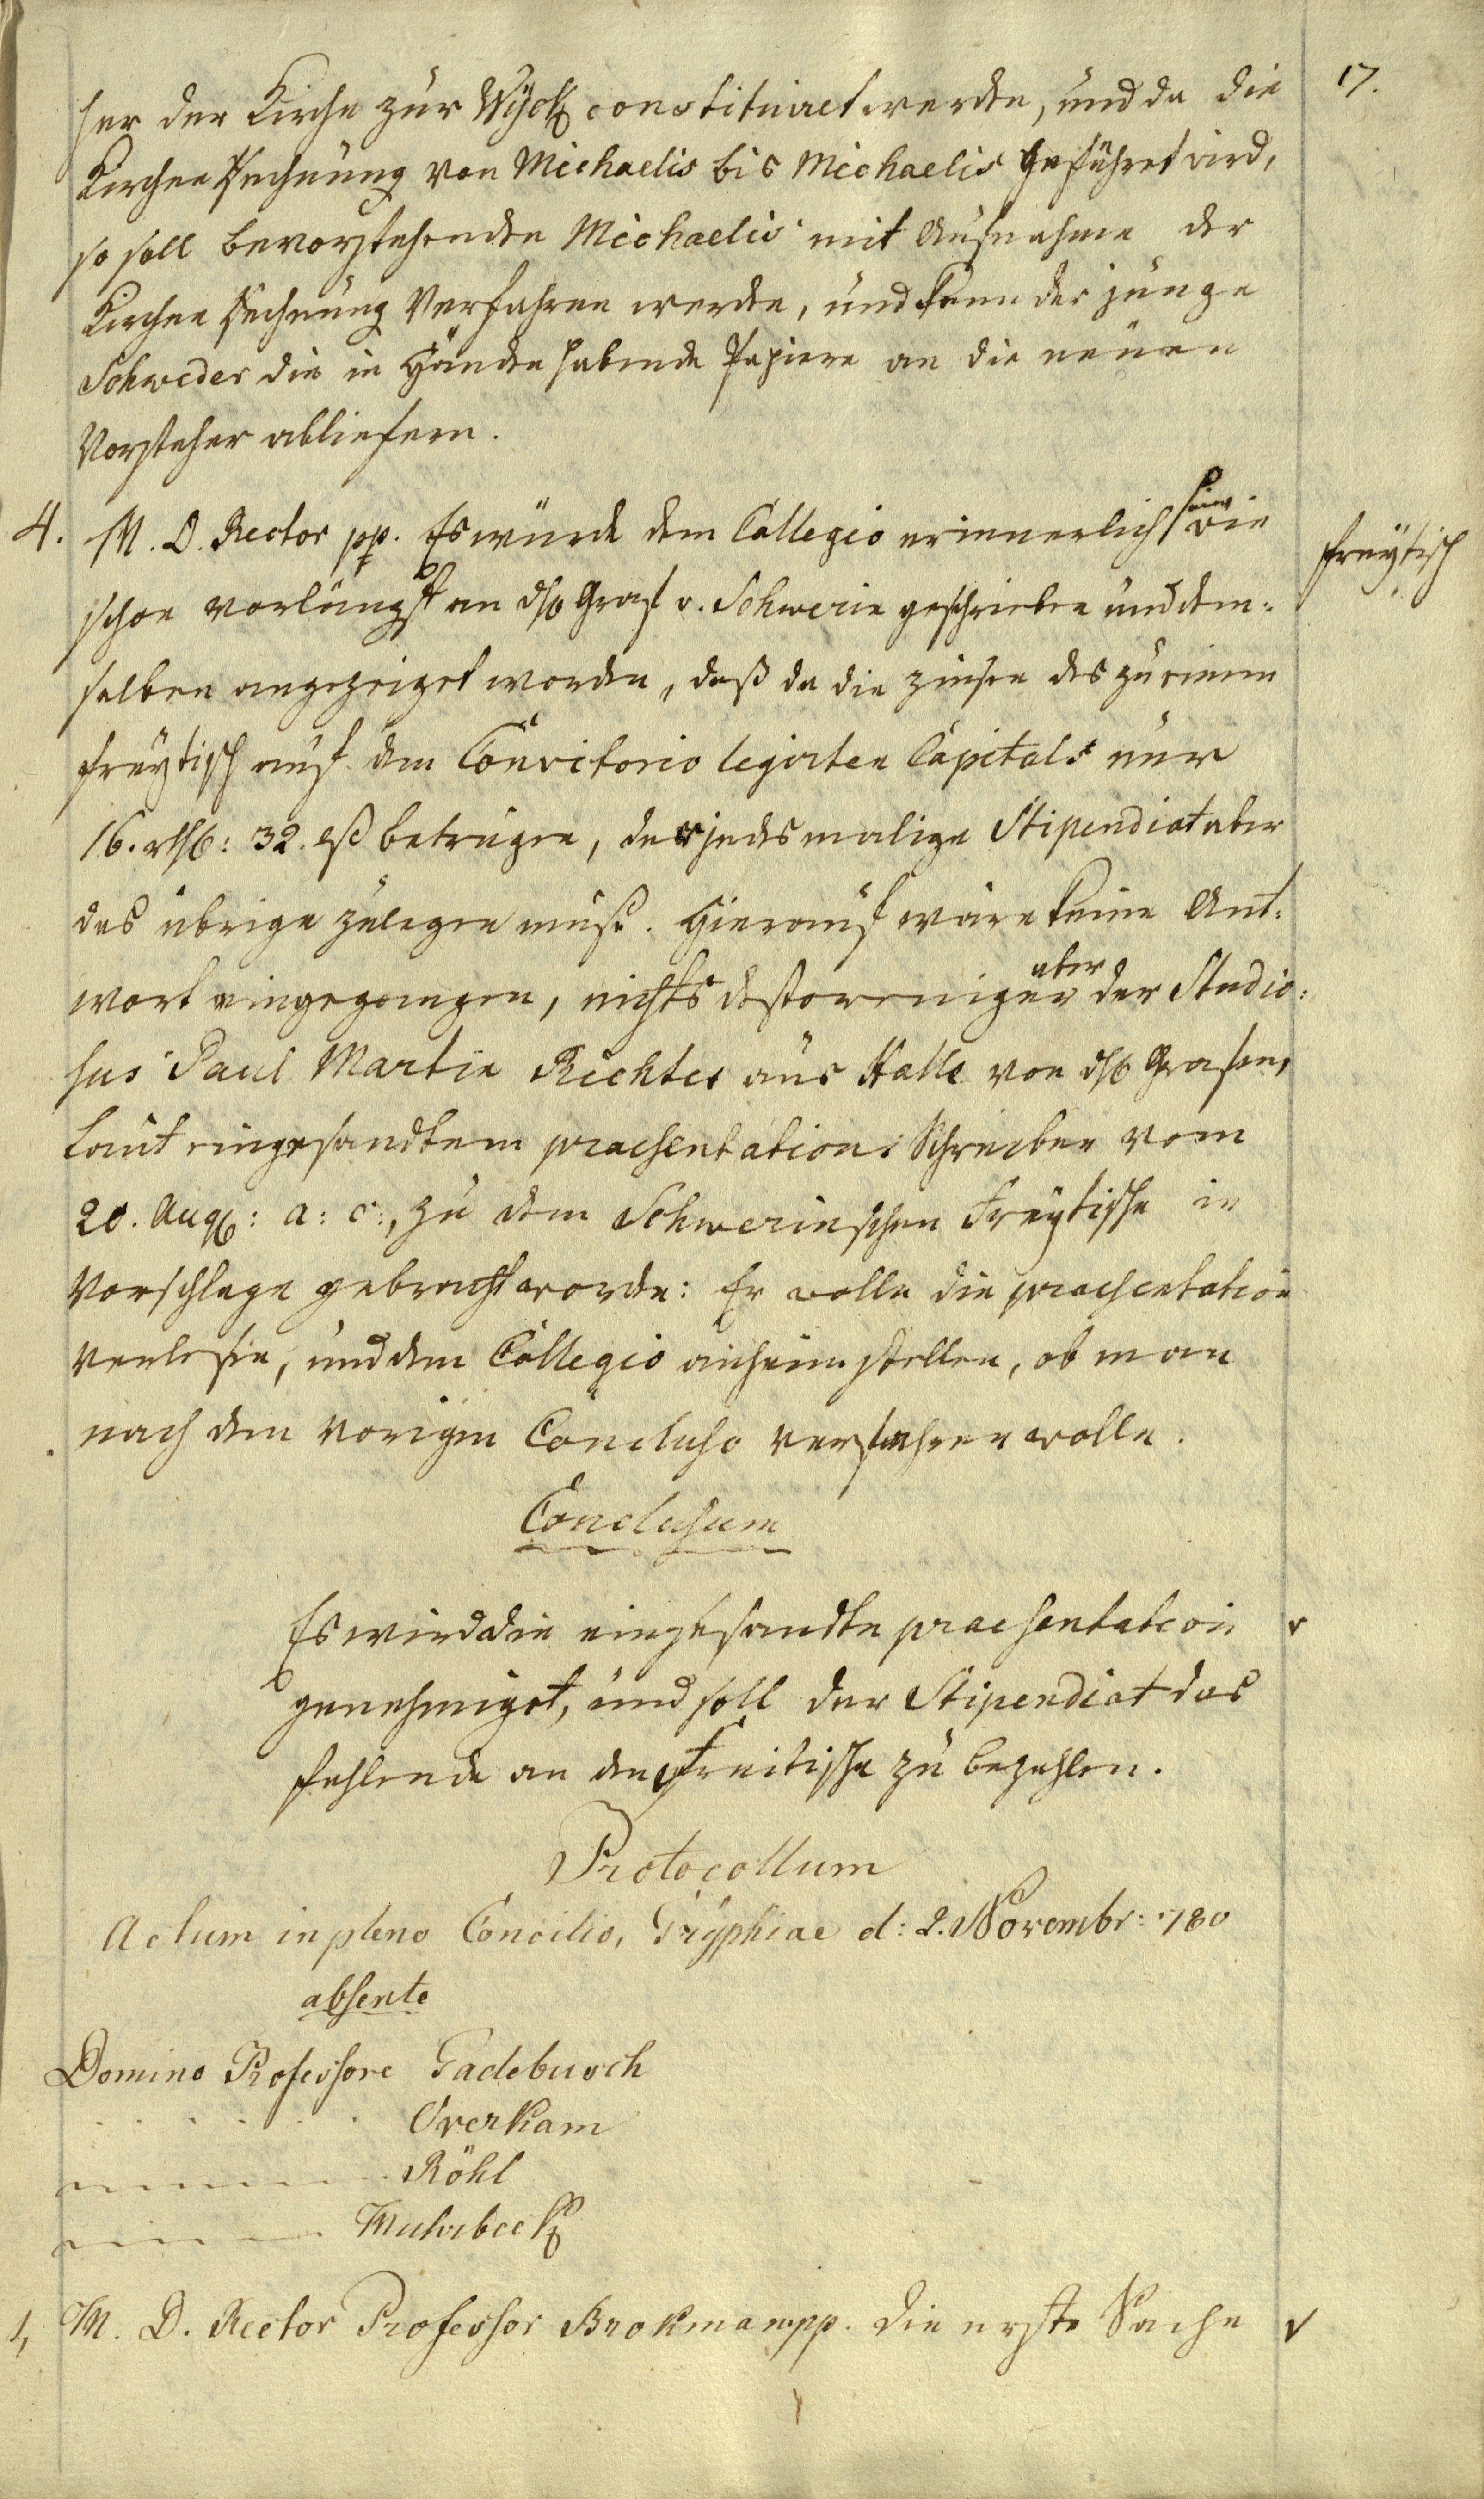her der Kirche zur Wÿck constituiret werden, und da die
Kirchen Rechnung von Michaelis bis Michaelis geführet wird,
so soll bevorstehenden Michaelis mit Aufnahme der
Kirchen Rechnung verfahren werden, und kann der junge
Schweder die in Händen habende Papiere an die neuen
Vorsteher abliefern.
4. M. D. Rector pp. Es würde dem Collegio erinnerlich sein wie freÿtisch
schon vorlängst an dh Graf v. Schwerin geschrieben und dem¬
selben angezeiget, worden, daß da die Zinsen der zu einem
freÿtisch auf dem Convictorio legirten Capitals nur
16.rtl. 32. s. betrugen, der jedesmalige Stipendiat aber
das übrige zulegen müße. Hierauf wäre keine Ant¬
wort eingegangen, nichts destoweniger aber der Studio¬
sus Paul Martin Richter aus Halle von dh Grafen,
laut eingesandtem praesentations Schreiben vom
20. Aug. a. c., zu dem Schwerinschem Freÿtische in
Vorschlage gebracht worden: Er wolle die praesentation
verlesen, und dem Collegio anheimstellen, ob man
nach dem vorigen Concluso verfahren wolle.
Conclusum
Es wird die eingesandte praesentation
genehmiget, und soll der Stipendiat das
fehlende an den Freitische zu bezahlen.
Protocollum
Actum in pleno Concilio, Grÿphiae d. 2. Novembr. 1780
absente
Domino Professore Gadebusch
Overkam
Röhl
Muhrbeck
M. D. Rector Professor Brokmann pp. Die erste Sache